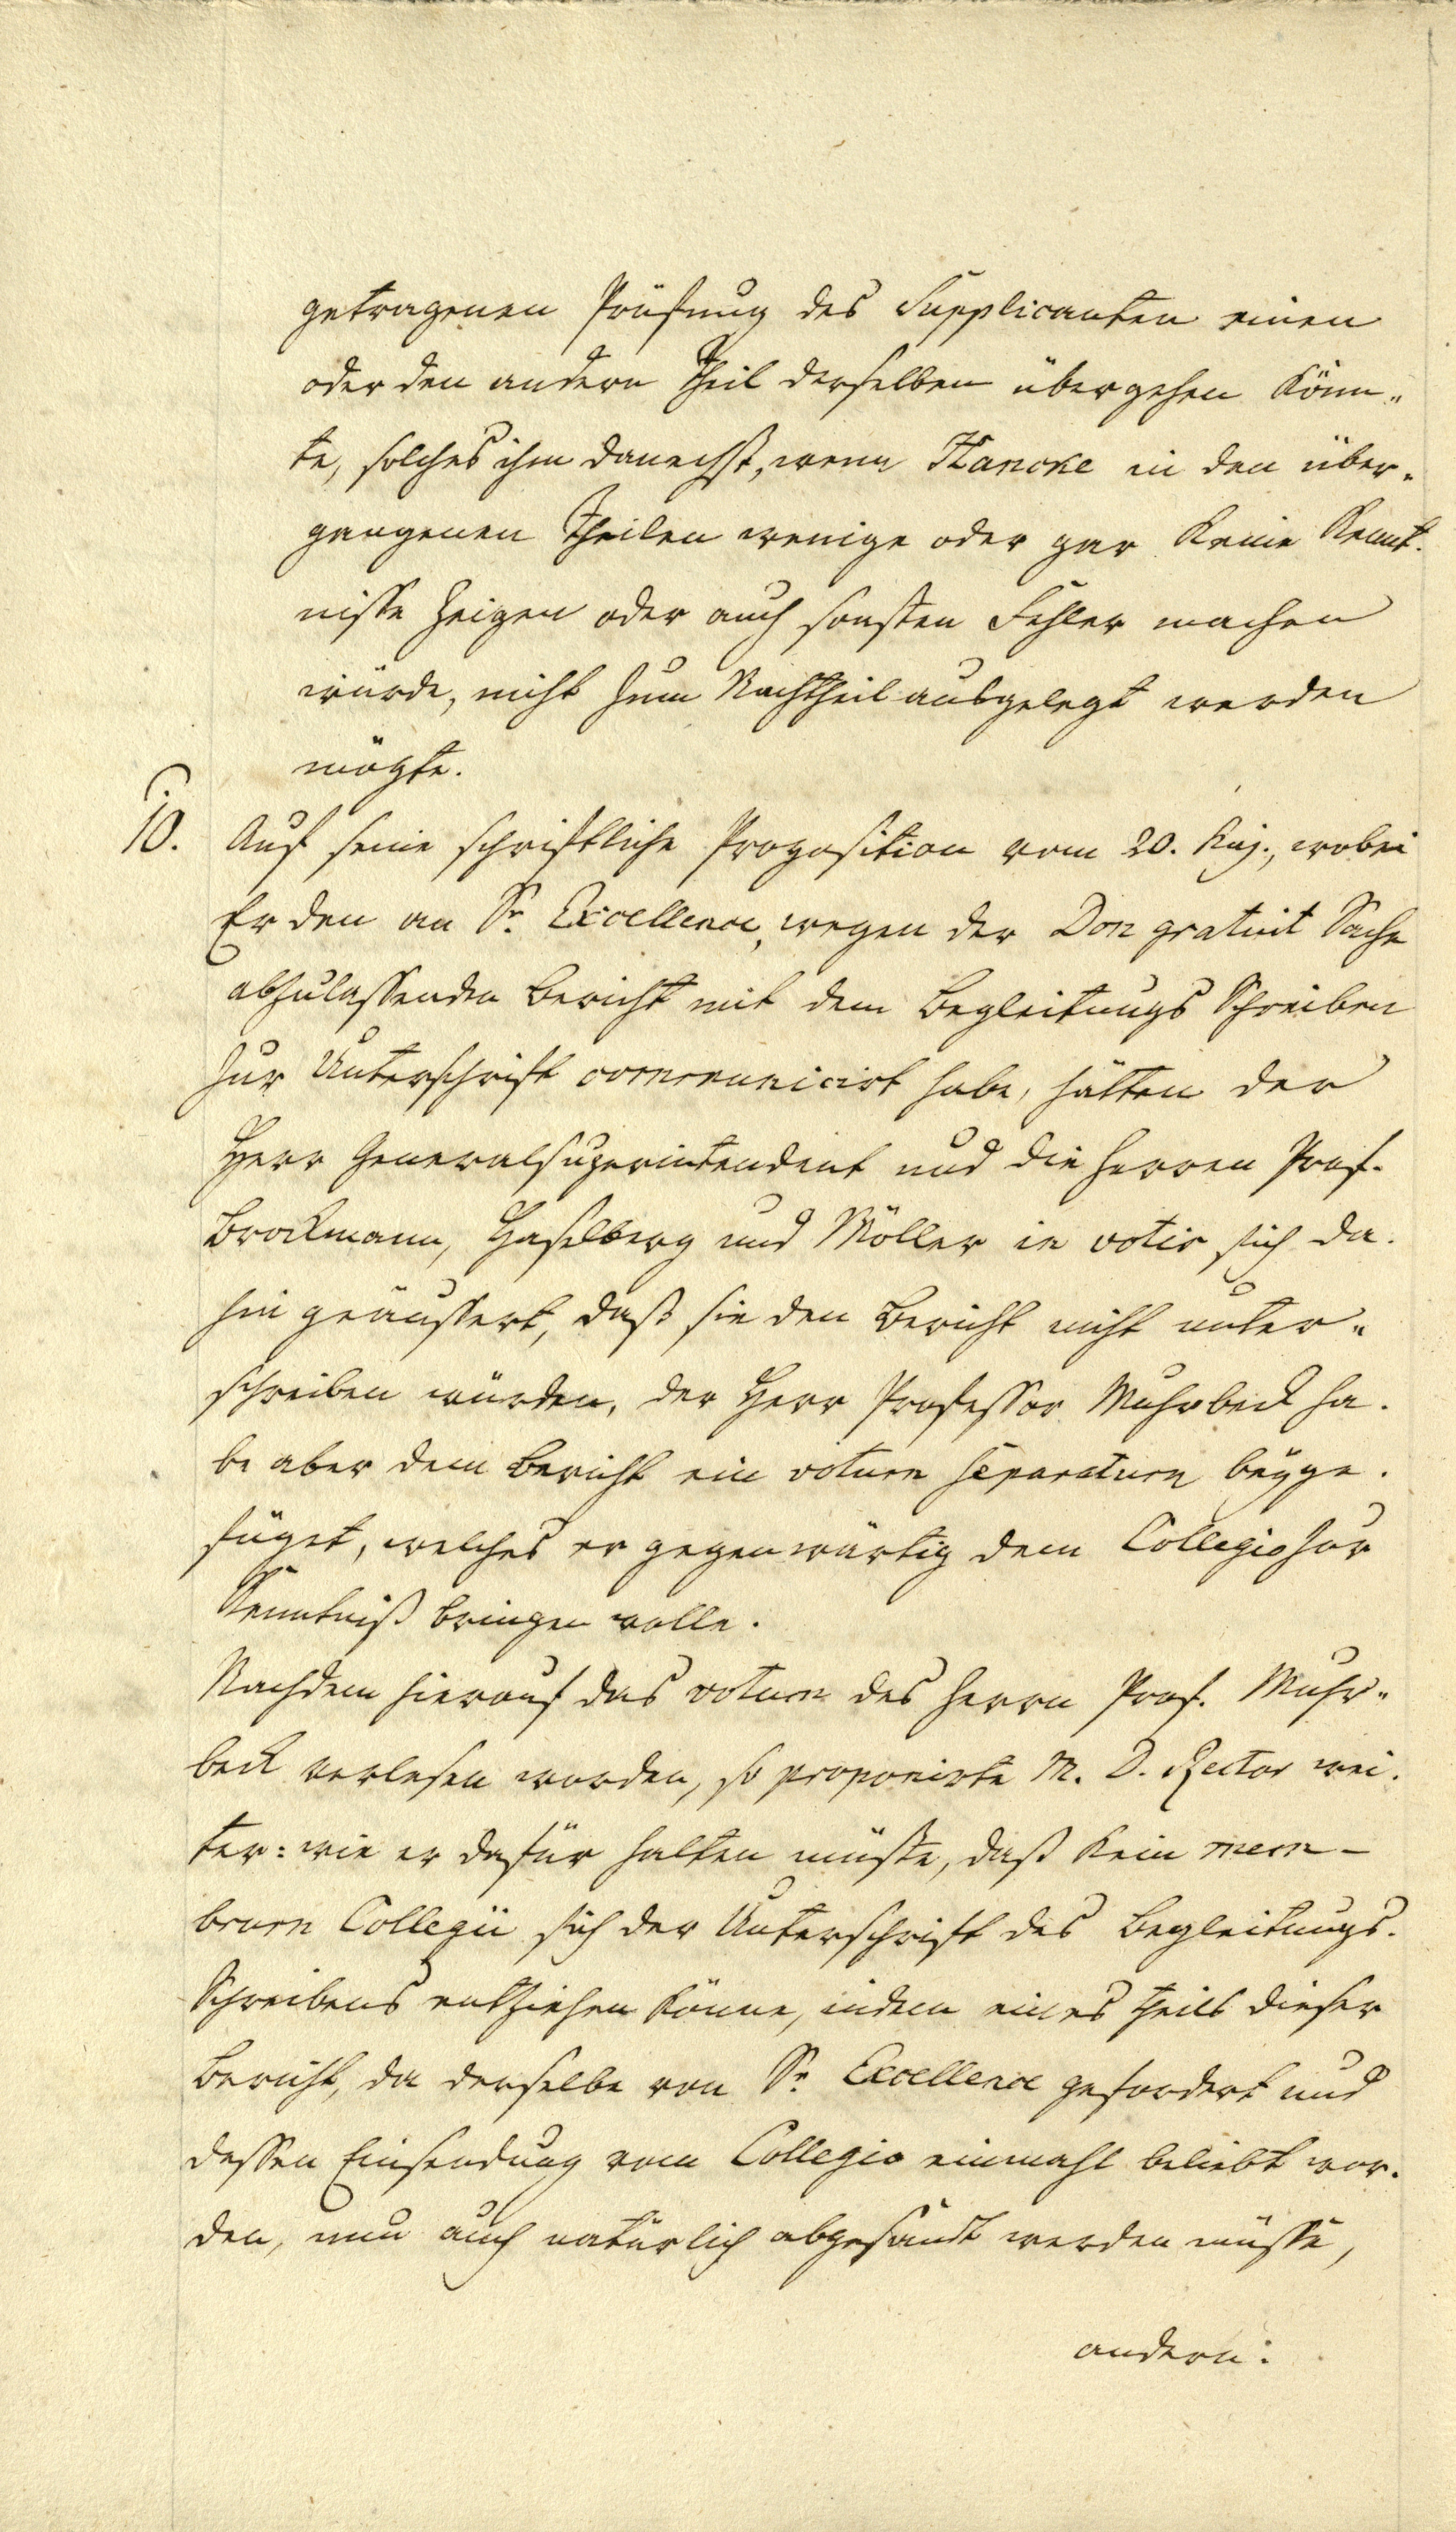getragenen Prüfung des Supplicanten einen
oder den andern Theil derselben übergehen könn¬
te, solches ihm danechst, wenn Hancke in den über¬
gangenen Theilen wenige oder gar keine Kennt¬
nisse zeigen oder auch sonsten Fehler machen
würde, nicht zum Nachtheil ausgelegt werden
mögte.
10. Auf seine schriftliche Proposition vom 20. huj., wobei
Er den an Sr. Excellence, wegen der Don gratuit Sache
abzulassenden Bericht mit dem Begleitungs Schreiben
zur Unterschrift communicirt habe, hätten der
Herr Generalsuperintendent und die herren Prof.
Brockmann, Haselberg und Möller in votis, sich da¬
hin geäussert, daß sie den Bericht nicht unter¬
schreiben würden, der Herr Professor Muhrbeck ha¬
be aber dem Bericht ein votum separatum beÿge¬
füget, welches er gegenwärtig dem Collegio zur
Kenntniß bringen wolle.
Nachdem hierauf das votum des herrn Prof. Muhr¬
beck verlesen worden, so proponirte M. D. Rector wei¬
ter: wie er dafür halten müste, daß kein mem¬
brum Collegii sich der Unterschrift des Begleitungs¬
Schreibens entziehen könne, indem eines theils dieser
Bericht, da derselbe von Sr. Excellence gefordert und
dessen Einsendung vom Collegio einmahl beliebt wor¬
den nun auch natürlich abgesandt werden müsse,
andern